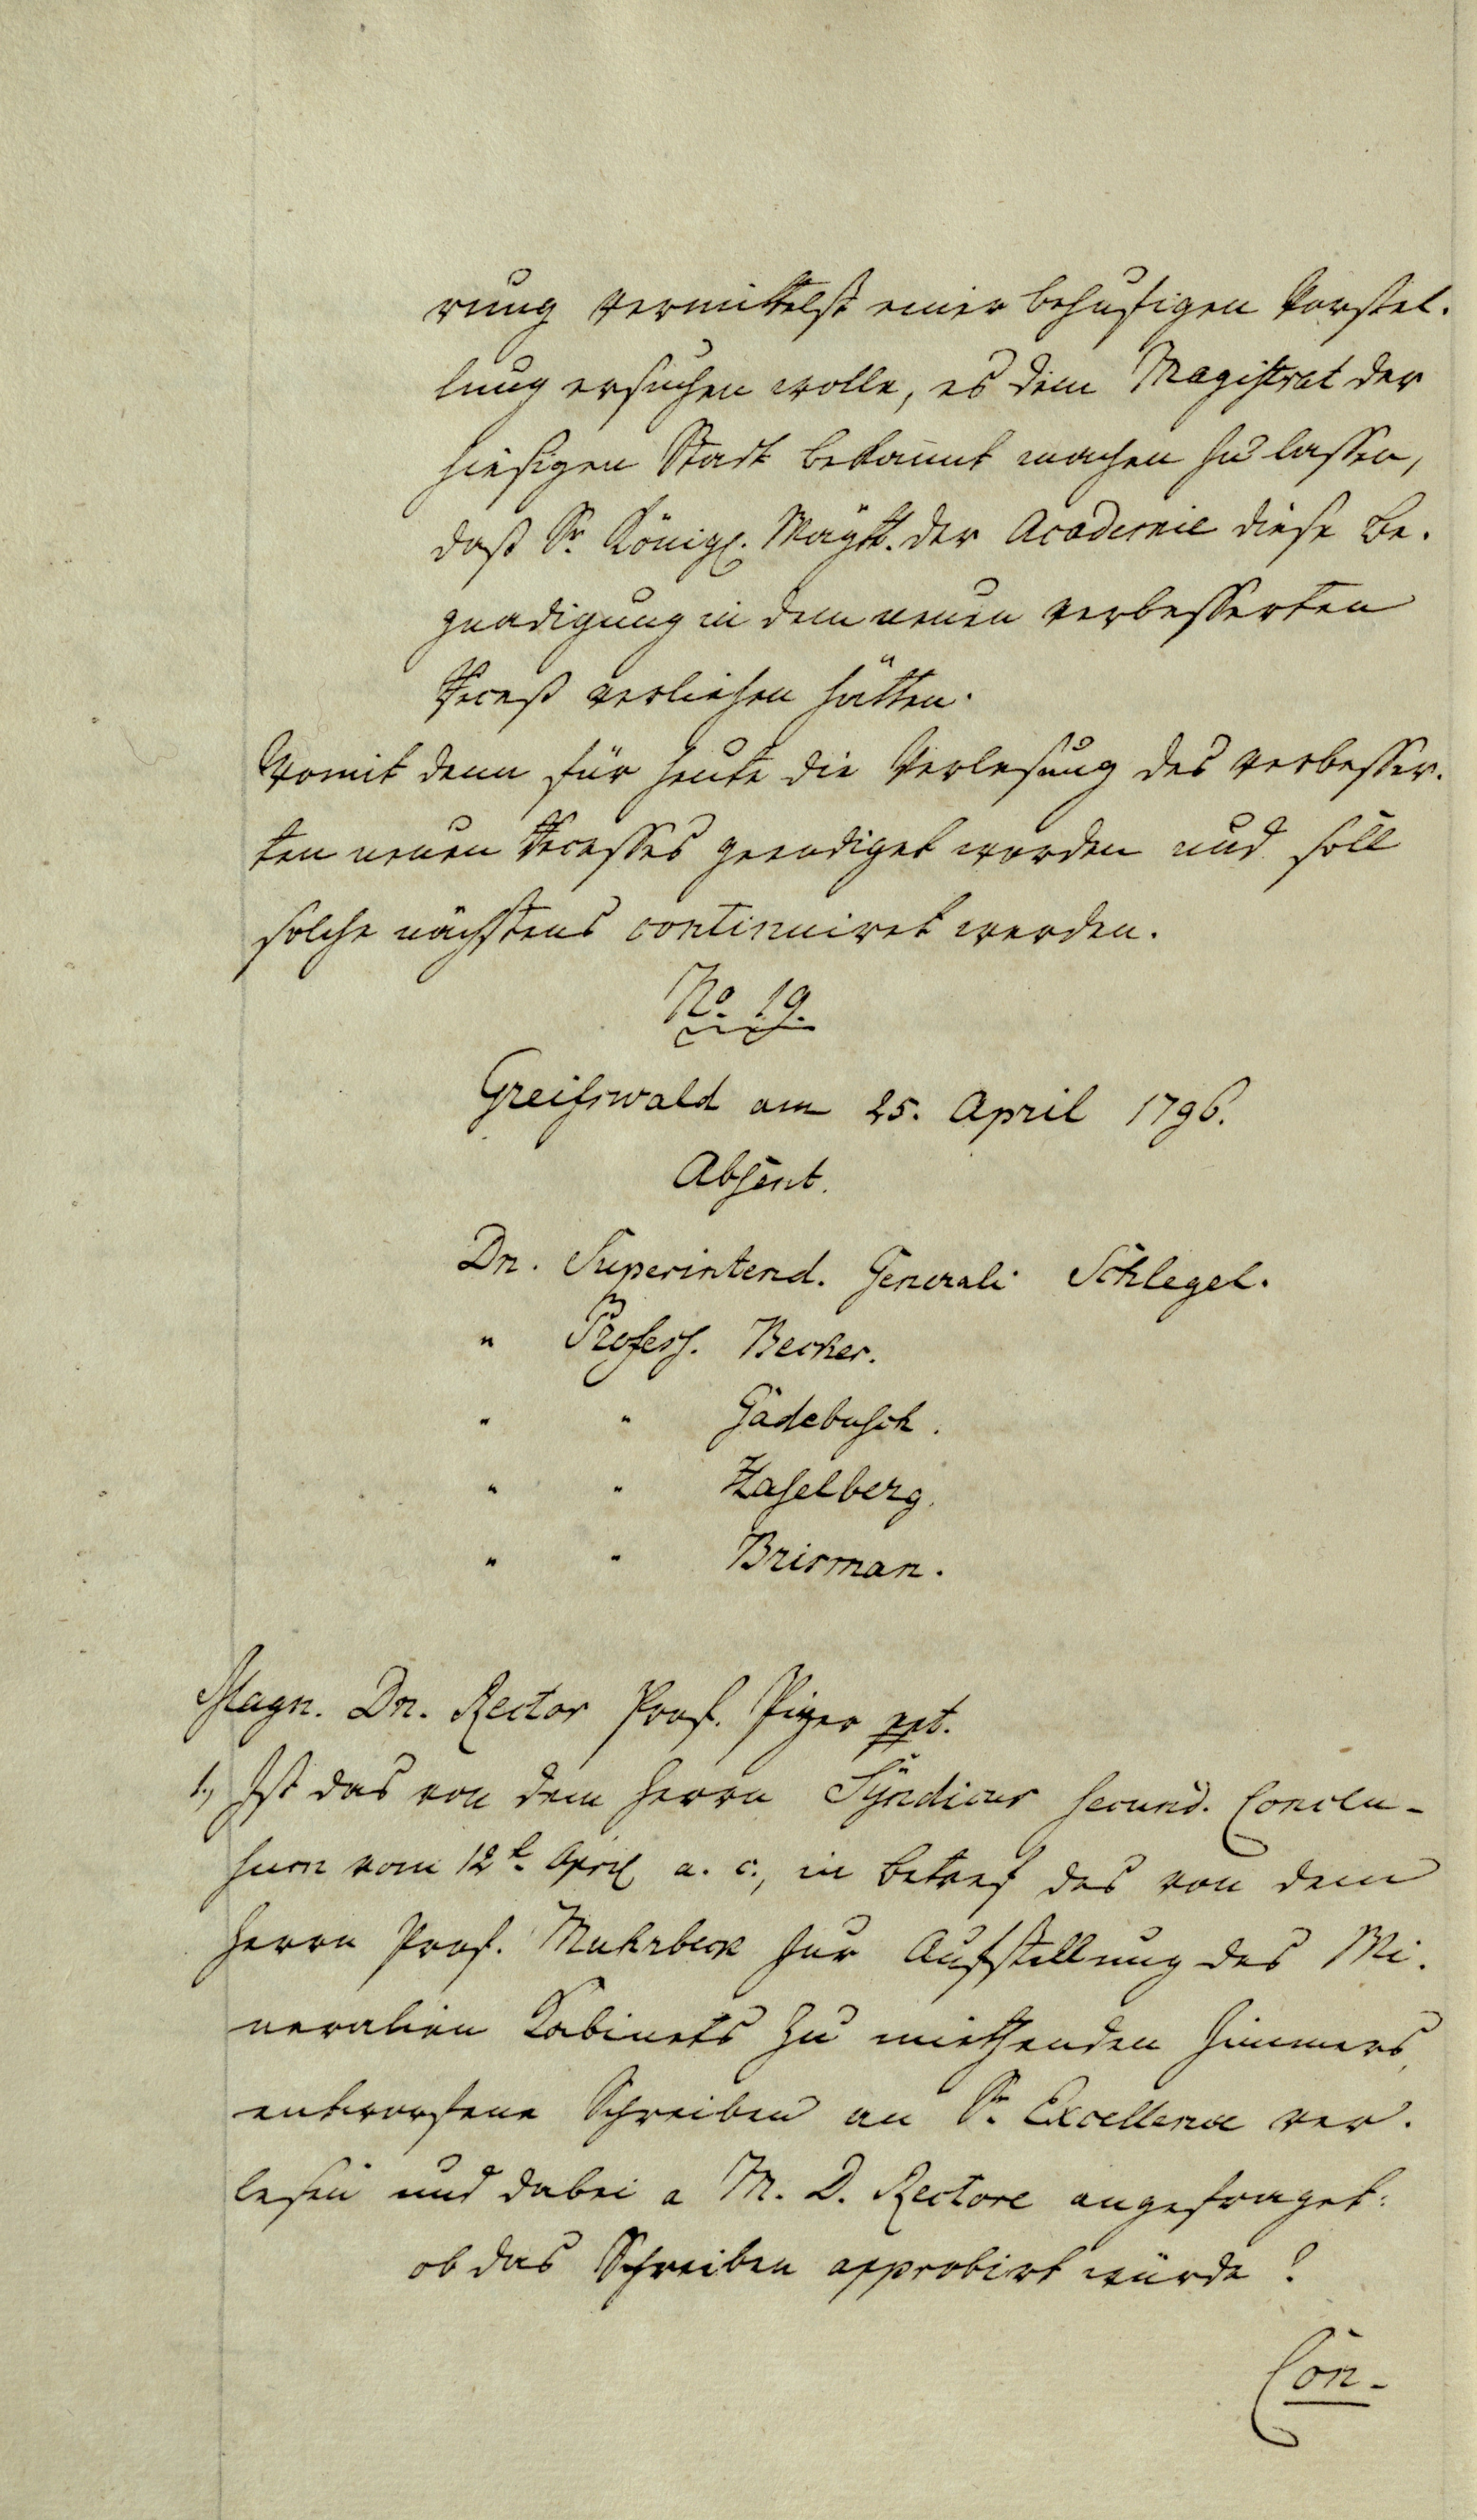rung vermittelst einer behufigen Vorstel¬
lung ersuchen wolle, es dem Magistrat der
hiesigen Stadt bekannt machen zu lassen,
daß Sr Königl. Maÿtt. der Academie diese Be¬
gnadigung in dem neuen verbesserten
Receß verliehen hätten.
Womit denn für heute die Verlesung des verbesser¬
ten neuen Recesses geendiget worden und soll
solche nächstens continuiret werden.
No 19.
Greifswald am 25. April 1796.
Absent.
Dn. Superintend. Generali Schlegel.
Profess. Becker.
Gadebusch.
Haselberg.
Brisman.
Magn. Dn. Rector Prof. Piper ppt.
1, Ist das von dem Herrn Sÿndicus secund. Conclu¬
sum vom 12 t. April a. c., in Betref des von dem
Herrn Prof. Muhrbeck zur Aufstellung des Mi¬
neralien Cabinets zu miethenden Zimmers
entworfene Schreiben an Sr. Excellence ver¬
lesen und dabei a M. D. Rectore angefraget:
ob das Schreiben approbirt würde?
Con¬